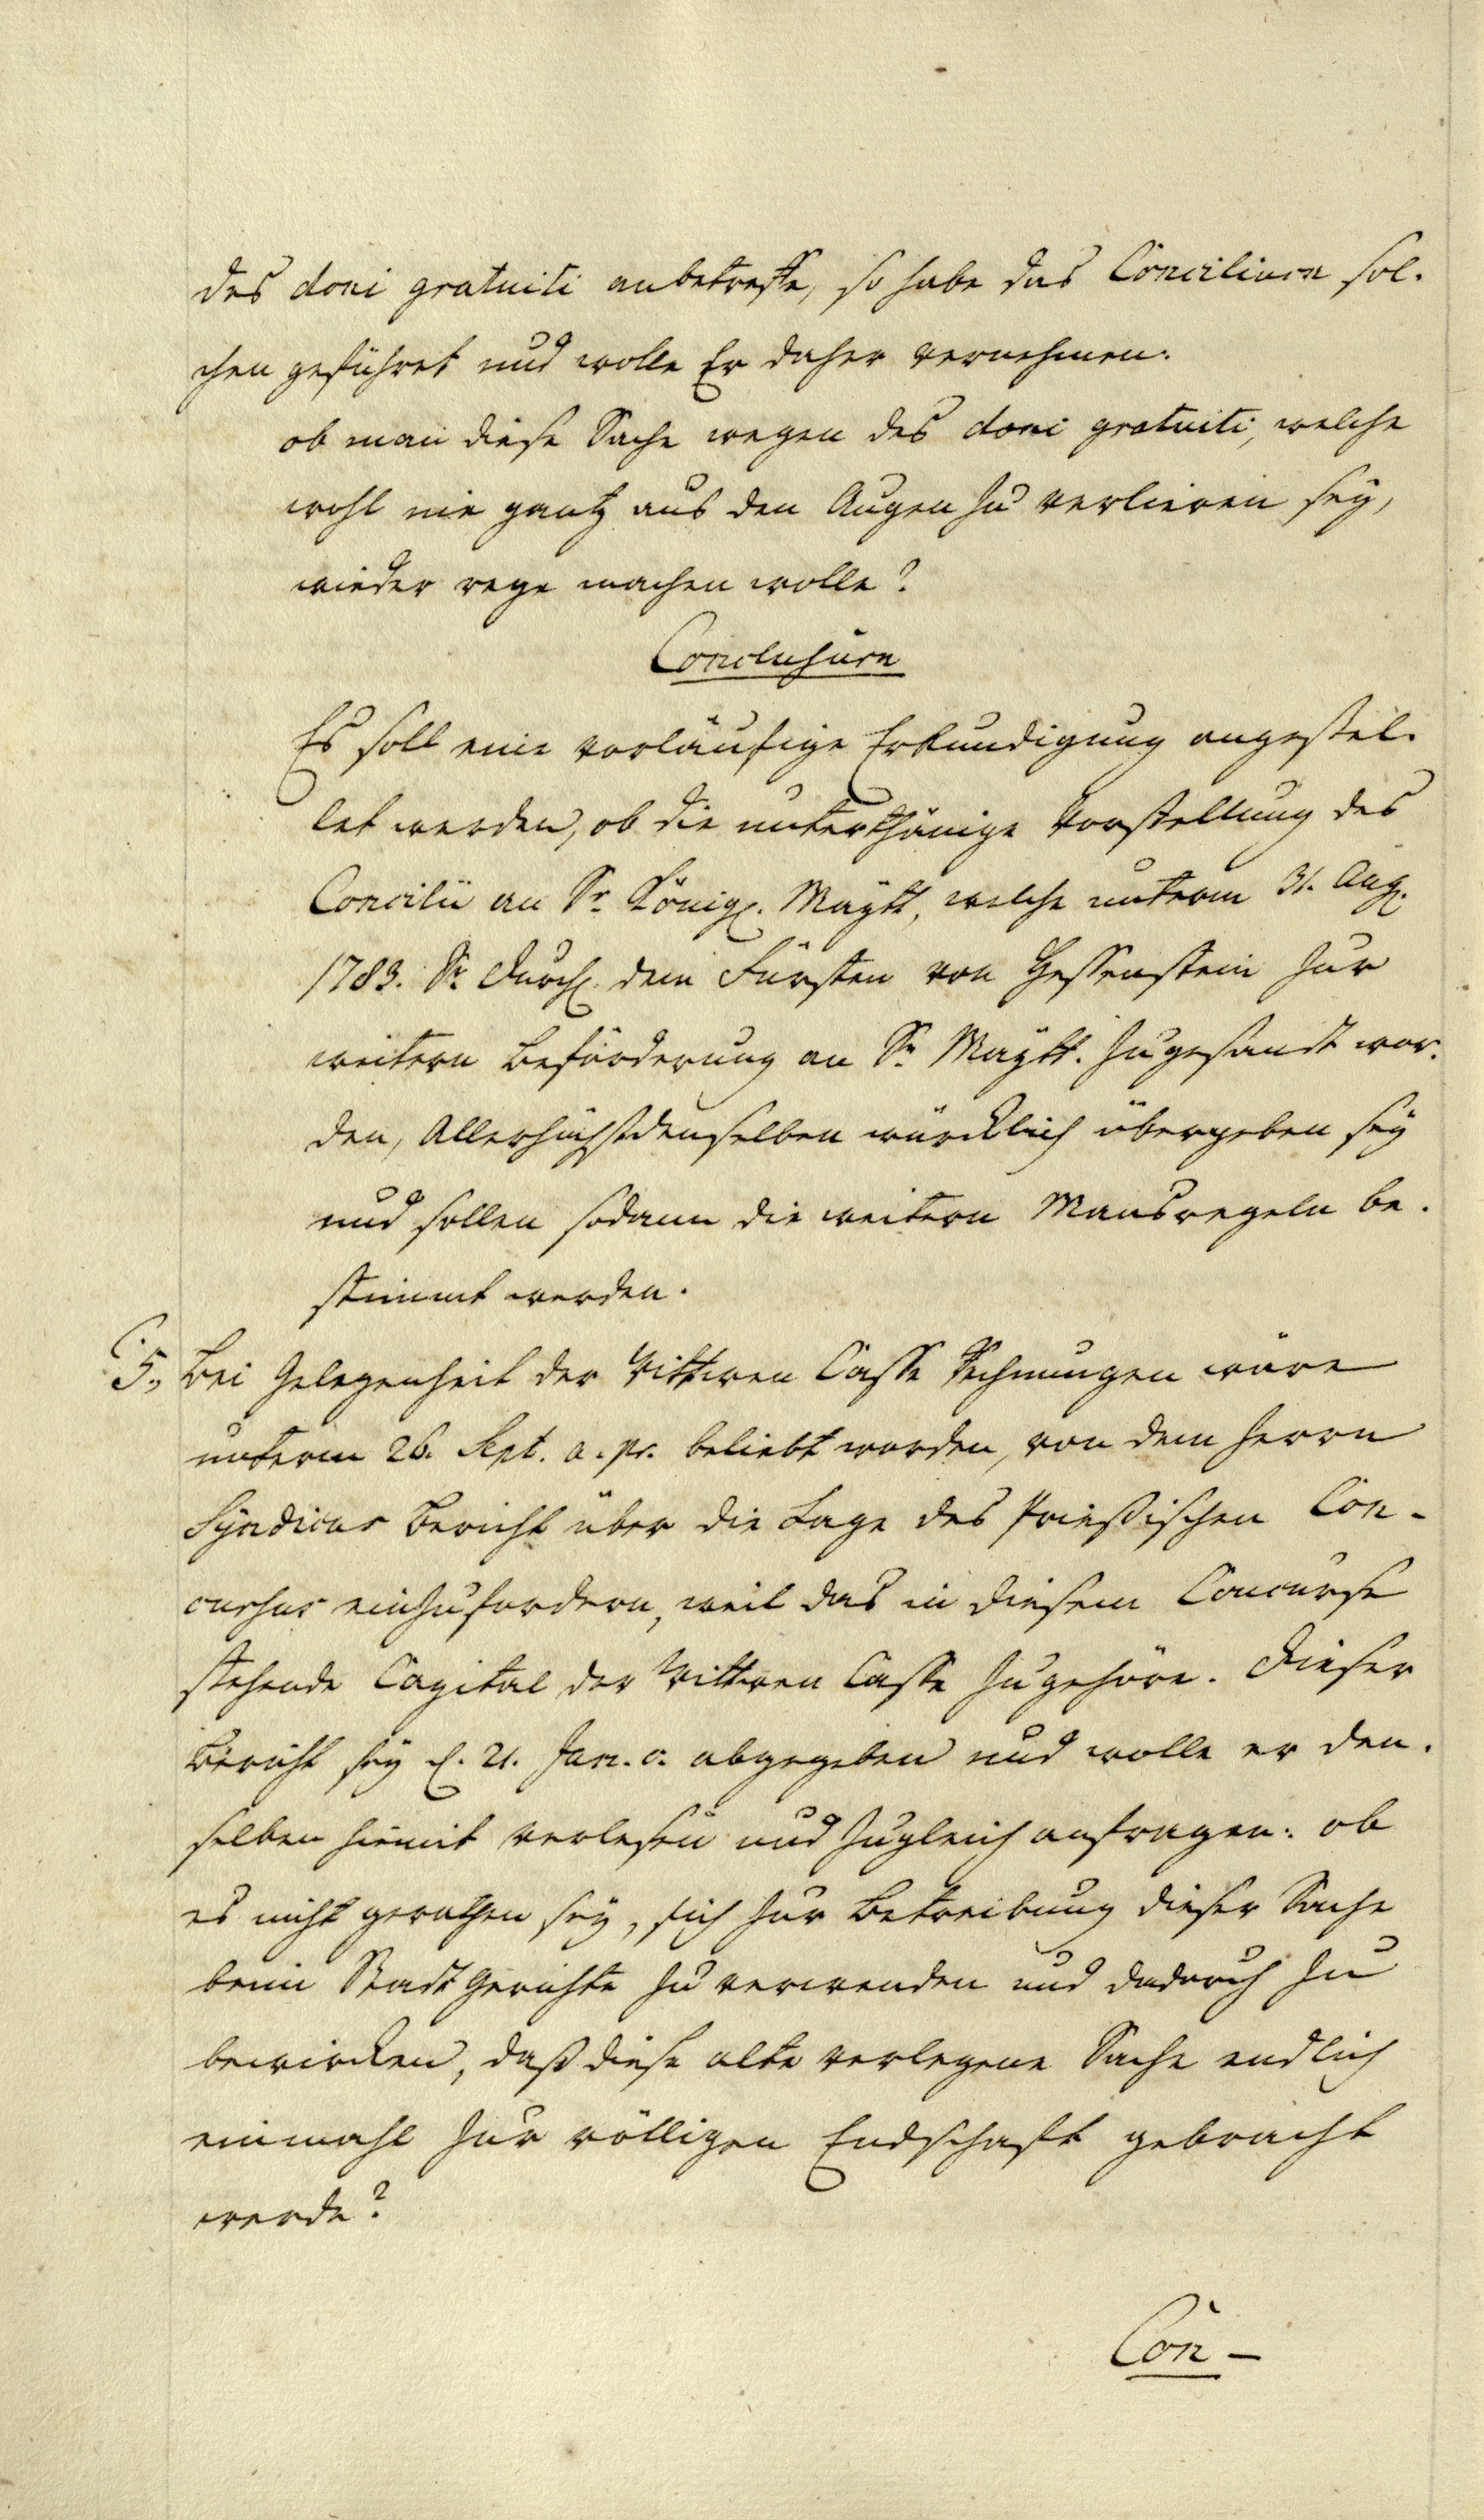des doni gratuiti anbetreffe, so habe das Concilium sol¬
chen geführet und wolle Er daher vernehmen:
ob man diese Sache wegen des doni gratuiti, welche
wohl nie gantz aus den Augen zu verlieren seÿ,
wieder rege machen wolle ?
Conclusum
Es soll eine vorläufige Erkundigung angestel¬
let werden, ob die unterthänige Vorstellung des
Concilii an Sr Königl. Maÿtt, welche unterm 31. Aug.
1783. Sr Durchl. dem Fürsten von Hessenstein zur
weitern Beförderung an Sr Maÿtt. zugesandt wor¬
den, Allerhöchstdenselben würcklich übergeben seÿ
und sollen sodann die weitern Maasregeln be¬
stimmt werden.
5., Bei Gelegenheit der Wittwen Casse Rechnungen wäre
unterm 26. Sept. a. pr. beliebt worden, von dem Herrn
Sÿndicus Bericht über die Lage des Prießischen Con¬
cursus einzufordern, weil das in diesem Concurse
stehende Capital der Wittwen Casse zugehöre. Dieser
Bericht seÿ l. 21. Jan. c. abgegeben und wolle er den¬
selben hiemit verlesen und zugleich anfragen: ob
es nicht gerathen seÿ, sich zur Betreibung dieser Sache
beim Stadt Gerichte zu verwenden und dadurch zu
bewircken, daß diese alte verlegene Sache endlich
einmahl zur völligen Endschaft gebracht
werde?
Con¬